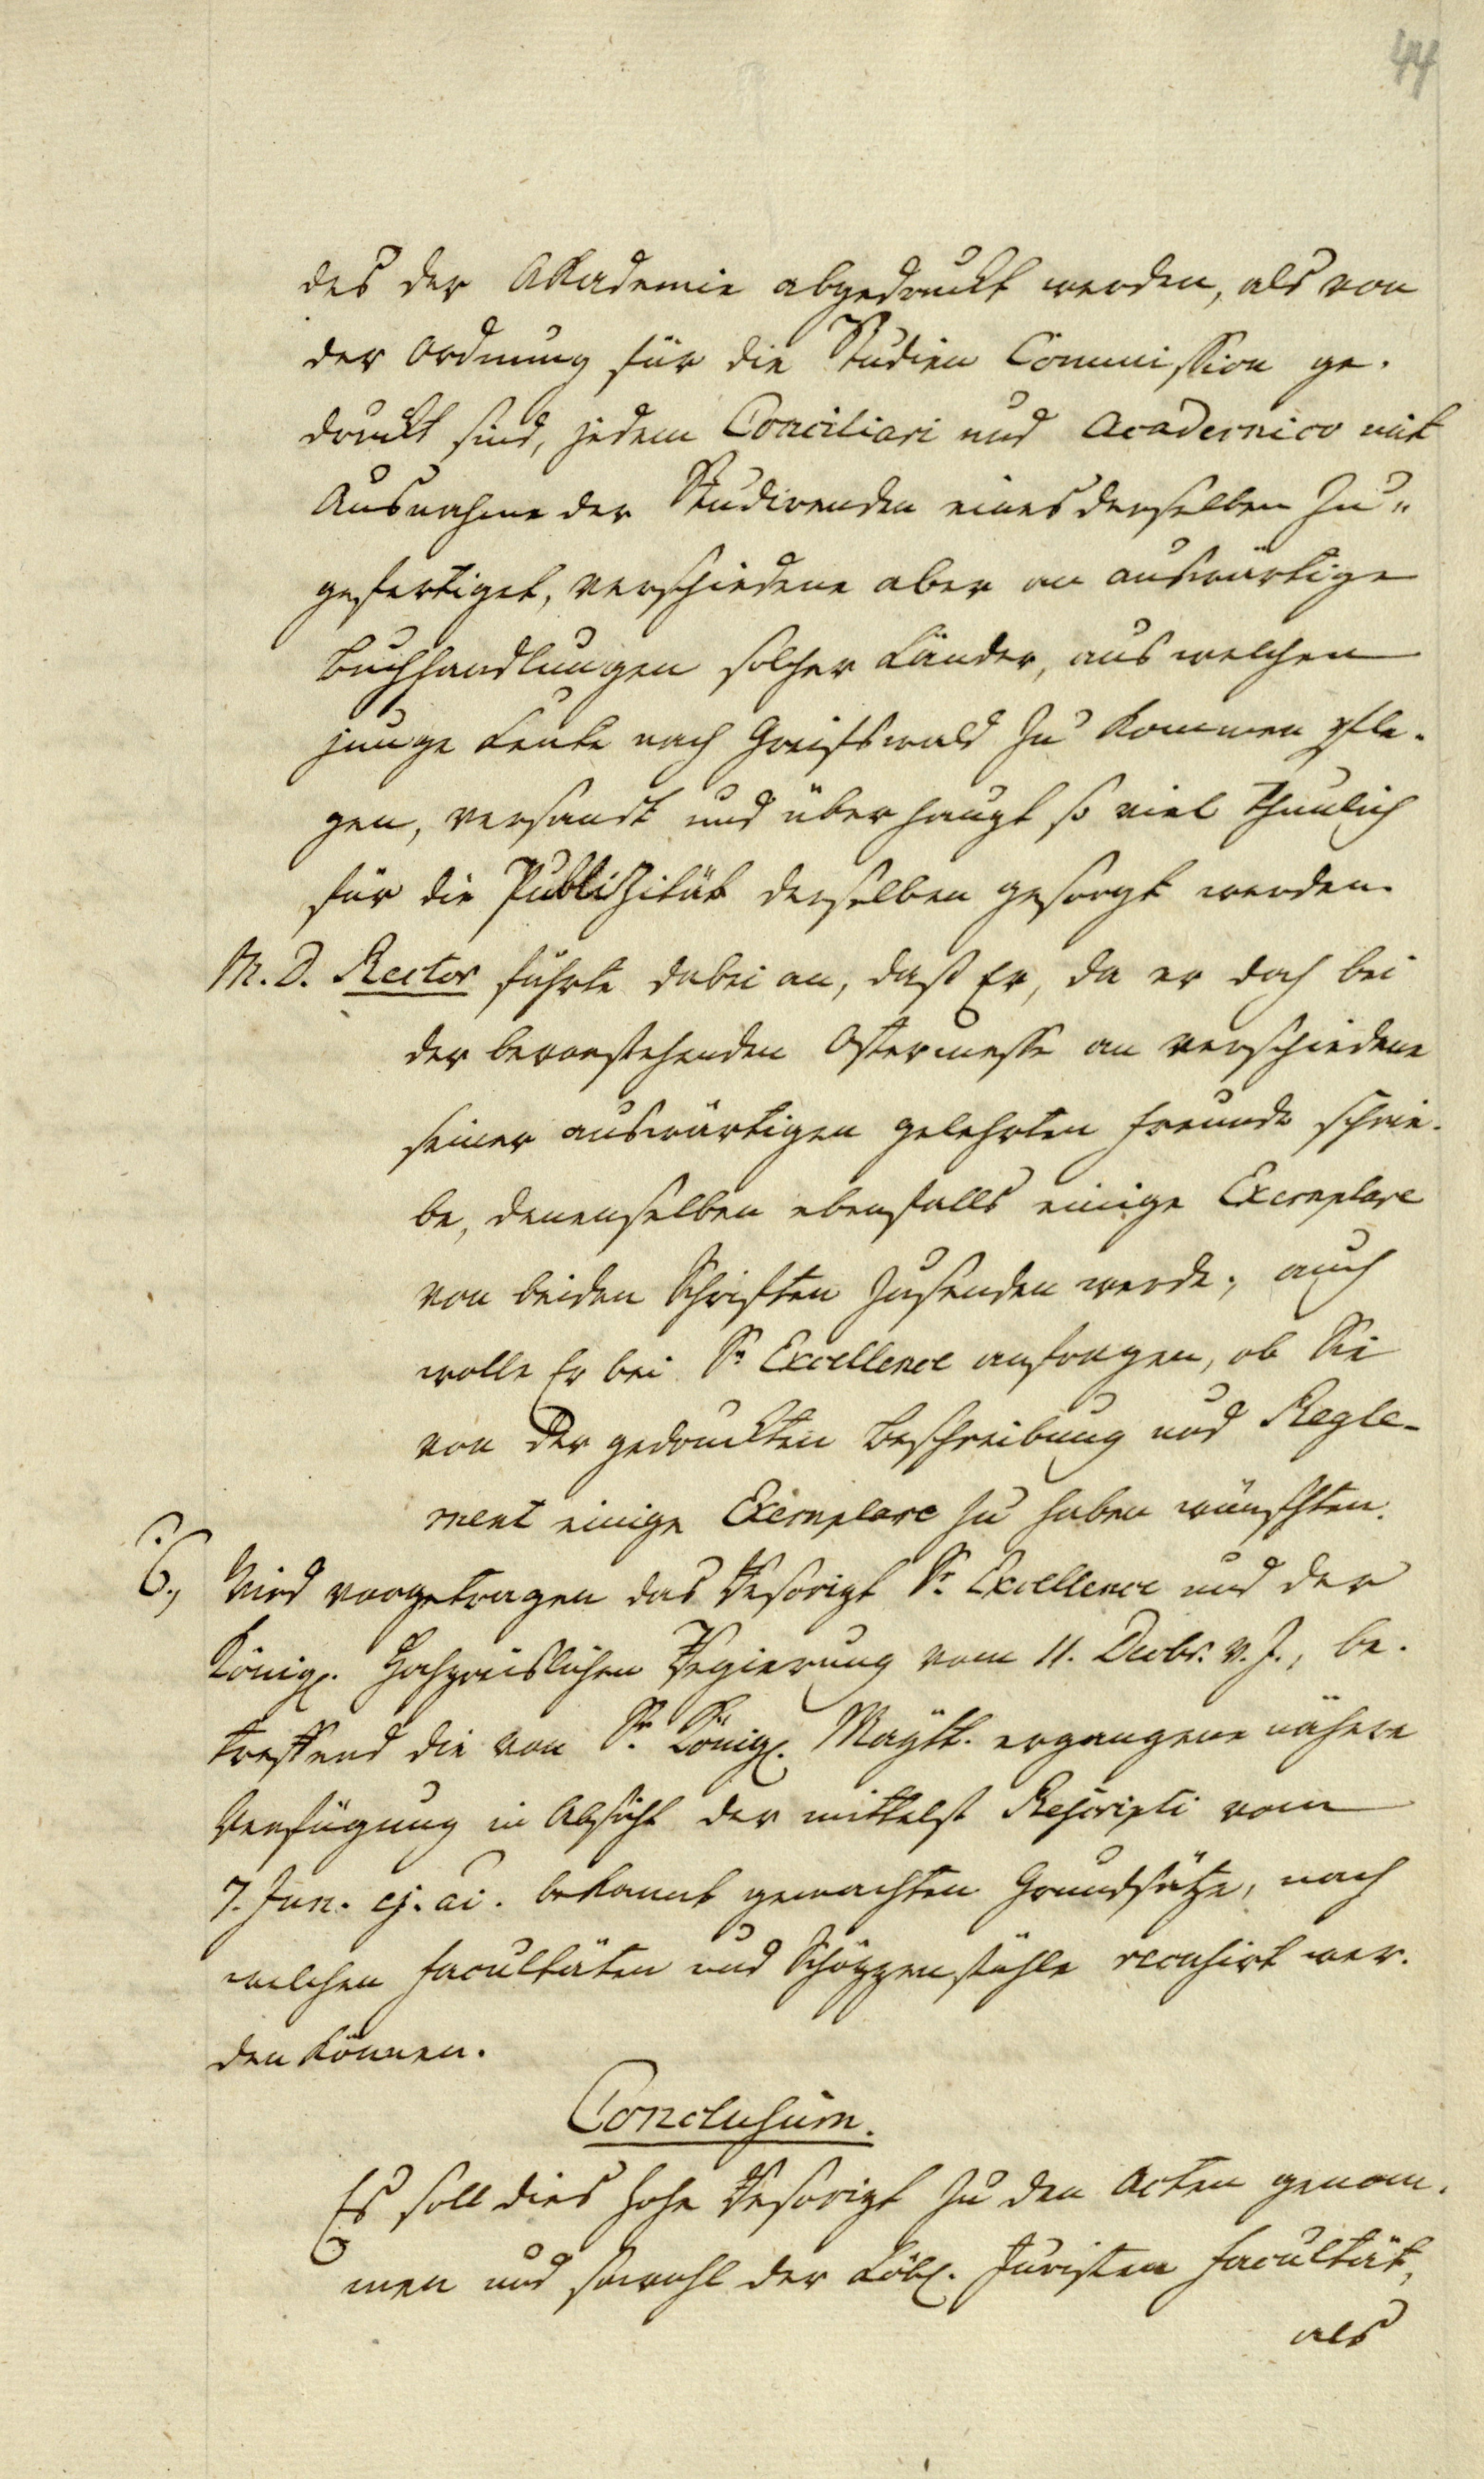des der Akademie abgedruckt werden, als von
der Ordnung für die Studien Commission ge¬
druckt sind, jedem Conciliari und Academico mit
Ausnahme der Studirenden eines derselben zu¬
gefertiget, verschiedene aber an auswärtige
Buchhandlungen solcher Länder, aus welchen
junge Leute nach Greifswald zu kommen pfle¬
gen, versandt und überhaupt so viel thunlich
für die Publizität derselben gesorgt werden.
M. D. Rector führte dabei an, daß Er, da er doch bei
der bevorstehenden Ostermesse an verschiedene
seiner auswärtigen gelehrten Freunde schrie¬
be, denenselben ebenfalls einige Exemplare
von beiden Schriften zusenden werde; auch
wolle Er bei Sr Excellence anfragen, ob Sie
von der gedruckten Beschreibung und Regle¬
ment einige Exemplare zu haben wünschten.
6., Wird vorgetragen das Rescript Sr Excellence und der
Königl. Hochpreislichen Regierung vom 11. Decbr v. J., be¬
treffend die von Sr. Königl. Maÿtt. ergangene nähere
Verfügung in Absicht der mittelst Rescripti vom
7. Jun. ej. ai. bekannt gemachten Grundsätze, nach
welchen Facultäten und Schöppenstühle recasirt wer¬
den können.
Conclusum
Es soll dies hohe Rescript zu den Acten gemom¬
men und sowohl der Löbl. Juristen Facultät,
als